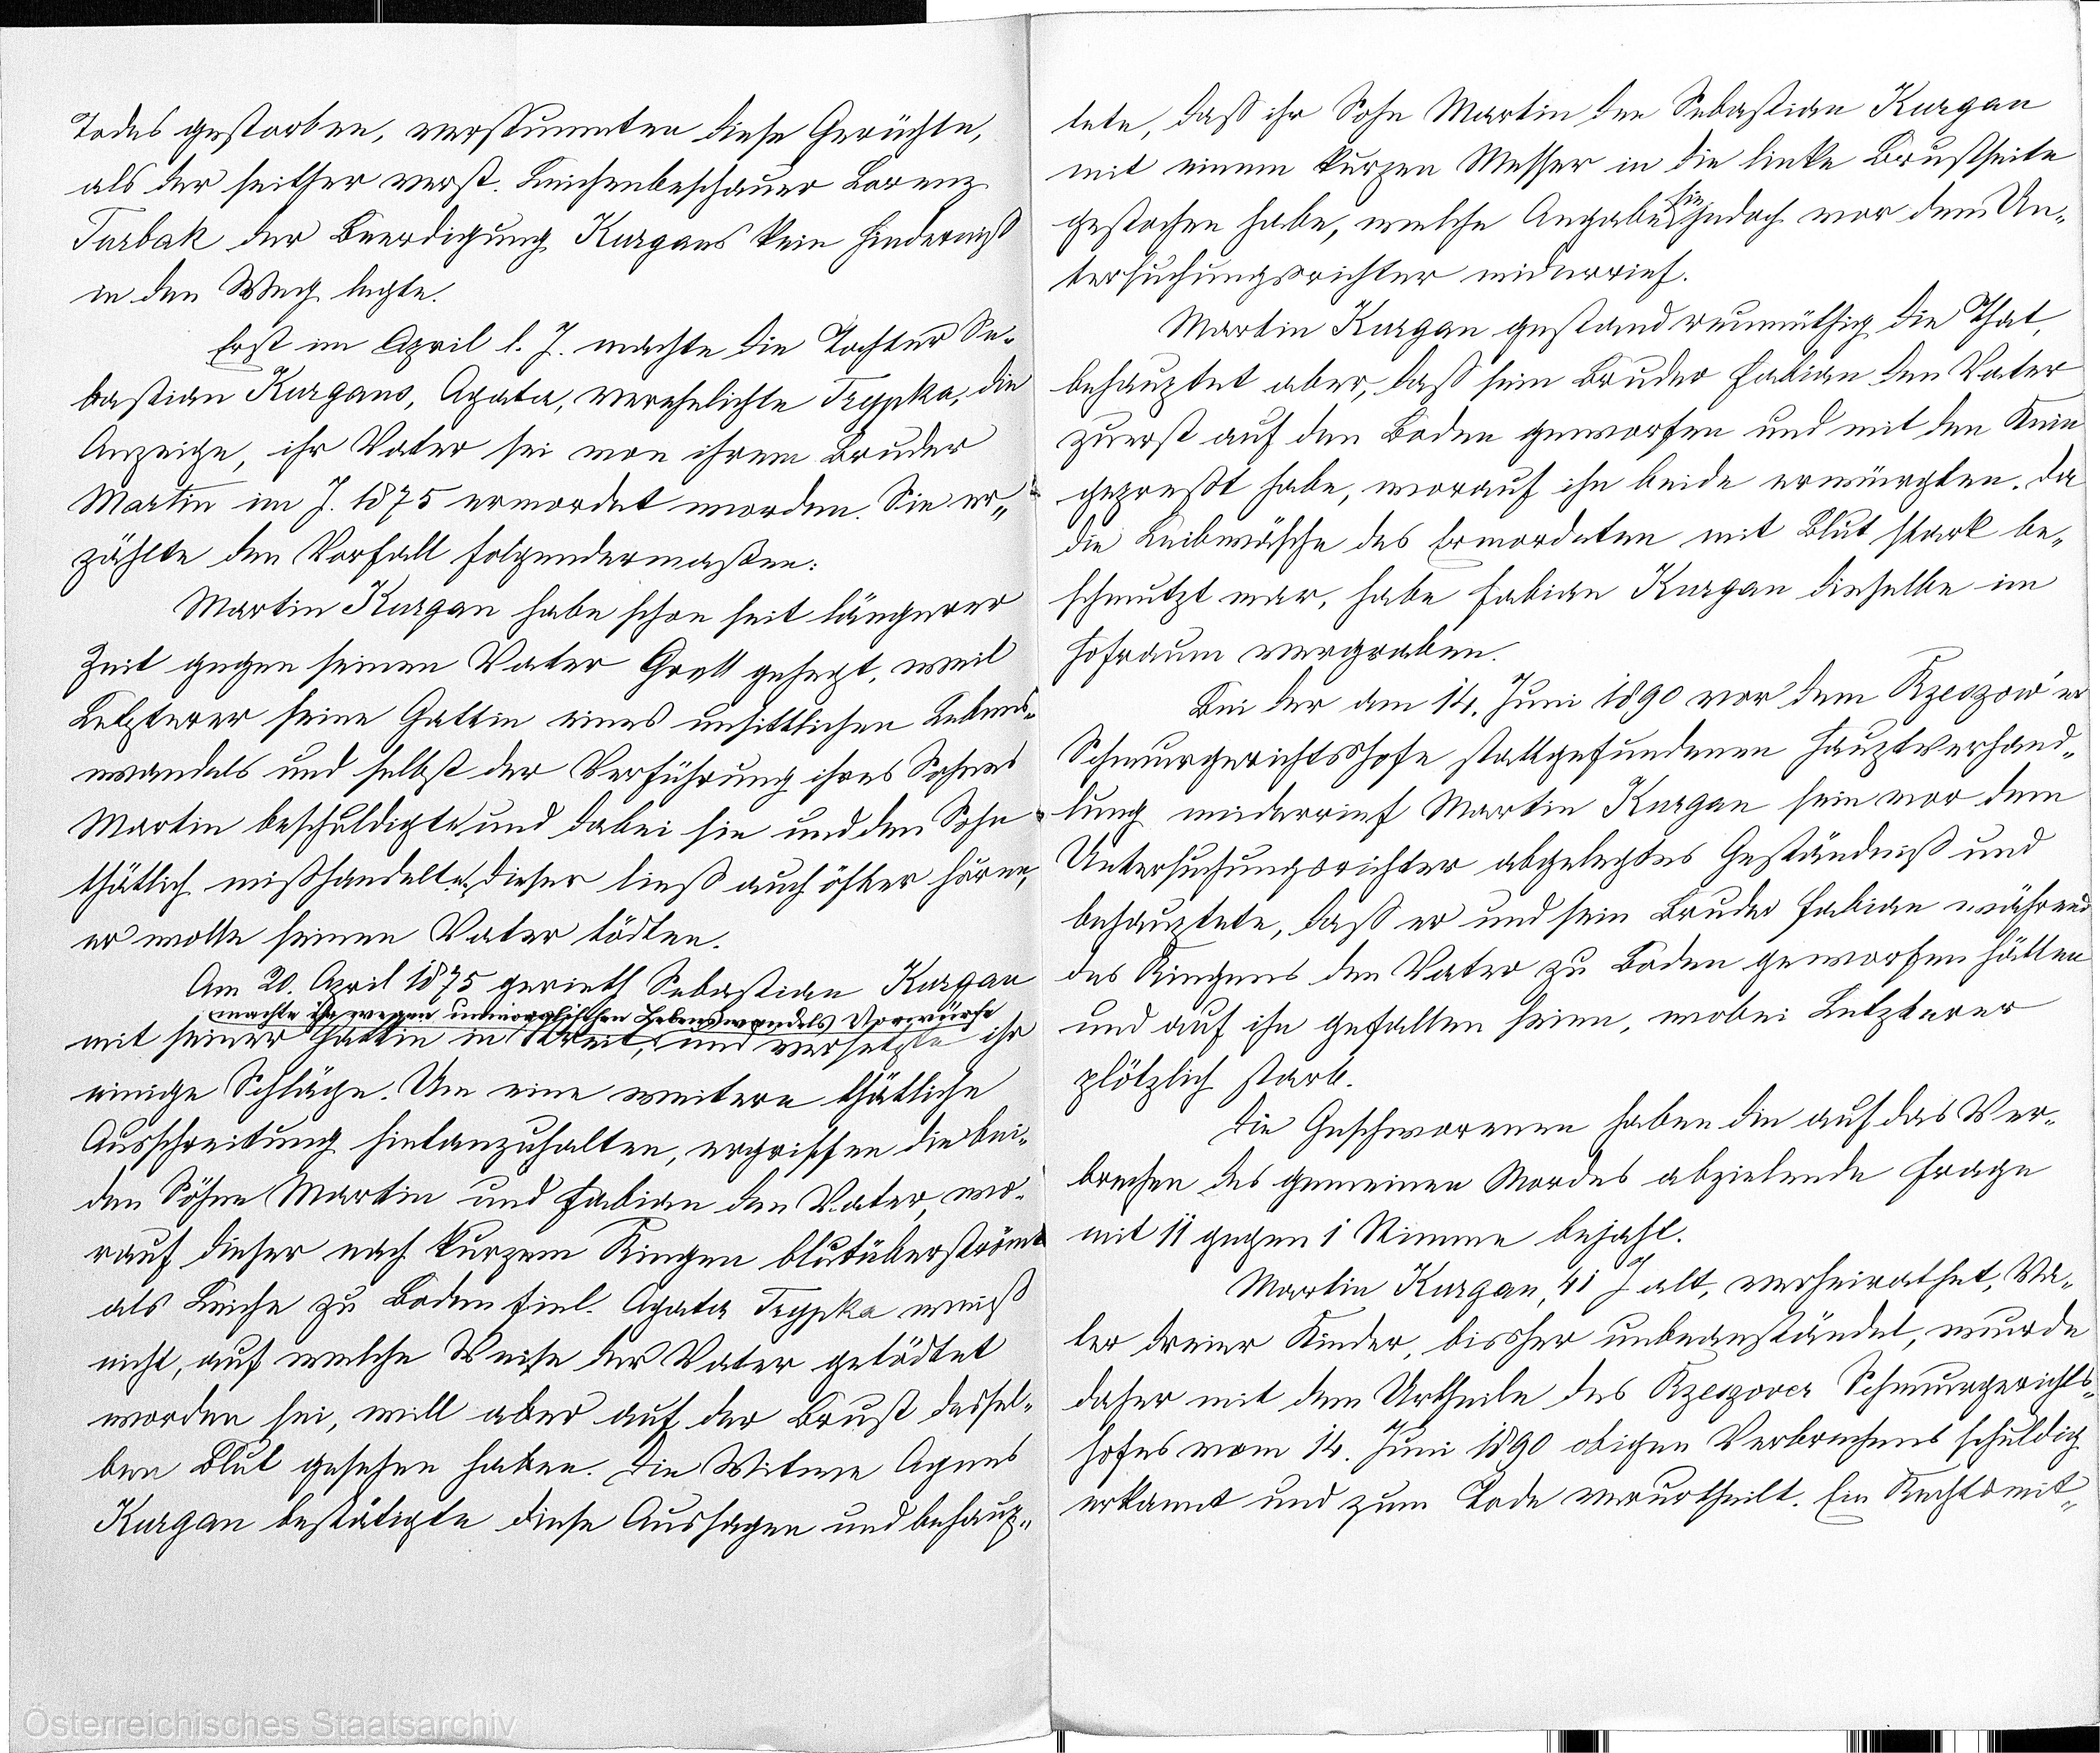Todes gestorben, verstumxxten diese Gerüchte,
als der seither verst. Leichenbeschauer Lorenz
Turbak der Beerdigung Kurgans kein Hinderniß
in den Weg legte.
Erst im April l. J. machte die Tochter Se¬
bastian Kurgans, Agata, verehelichte Trypka, die
Anzeige, ihr Vater sei von ihrem Bruder
Martin im J. 1875 ermordet morden. Sie er¬
zählte den Vorfall folgendermaßen:
Martin Kurgan habe schon seit längerer
Zeit gegen seinen Vater Grell gehegt, weil
Letzterer seine Gattin eines unsittlichen Lebens¬
wandels und selbst der Verführung ihres Sachens
Martin beschuldigte und dabei sie und den Sohn
thätlich mißhandelte. dieser ließ auch öfter huren,
er wolle seinen Vater tödten.
Am 20. April 1875 gerieth Sebastian Kurgan
machte ihr wegen unmoralischen Lebenswandels Vorwürfe
mit seiner Gattin in Streit, und versetzte ihr
einige Schläge. Am eine weitere thätliche
Ausschreitung hintanzuhalten, ergriffen die bei¬
den Söhne Martin und Fabian den Vater, wo¬
rauf dieser nach kurzem Kingen blutüberströmxx
als Leiche zu Boden fiel. Agata Trzpka weiß
nicht, auf welche Wxx der Vater getödtet
morden sei, will aber auf der Brust dersel¬
ben Blut gesehen haben. Die Witwe Agnes
Kurgan bestätigte diese Aussagen und behaup¬
tete, daß ihr Sohn Martin den Sebastian Kurgan
mit einem kurzen Messer in die linke Brustseite
sie
gestochen habe, welche Angabe jedoch vor dem Un¬
tersuchungsrichter widerrief.
Martin Kurgan gestand reumüthig die That,
behauptet aber, daß sein Bruder Fabian den Vater
zuerst auf den Boden geworfen und mit den Kein
gepreßt habe, worauf ihn beide erwürgten, da
die Leibwäsche des Ermordeten mit Blut stark be¬
schmutzt vor, habe Fabian Kurgan dieselbe im
Hofraum vergraben.
Bin der am 14. Juni 1890 vor dem Kzeszów er
Schwurgerichtshofe stattgefundenen Hauptverhand¬
lung widerrief Martin Kurgan sein mor dem
Untersuchungsrichter abgelegtes Geständniß und
behauptete, daß er und sein Bruder Fabian während
des Ringens den Vater zu Boden geworfen hätten
und auf ihn gefallen seien, wobei Letzerer
plötzlich starb.
Die Geschworenen haben die auf das Ver¬
brechen des gemeinen Mordes abzielende Frage
mit 11 gegen 1 Stimme bejahl.
Martin Kurgan, 41 J alt, verheirathet, Va¬
ter dreier Kinder, bisher unbeanständet, wurde
daher mit dem Urtheile des Rzeszover Schwurgerichts¬
hofes vom 14. Juni 1890 obigen Verbrechens schuldig
erkannt und zum Tode verurtheilt. Ein Rechts mit-